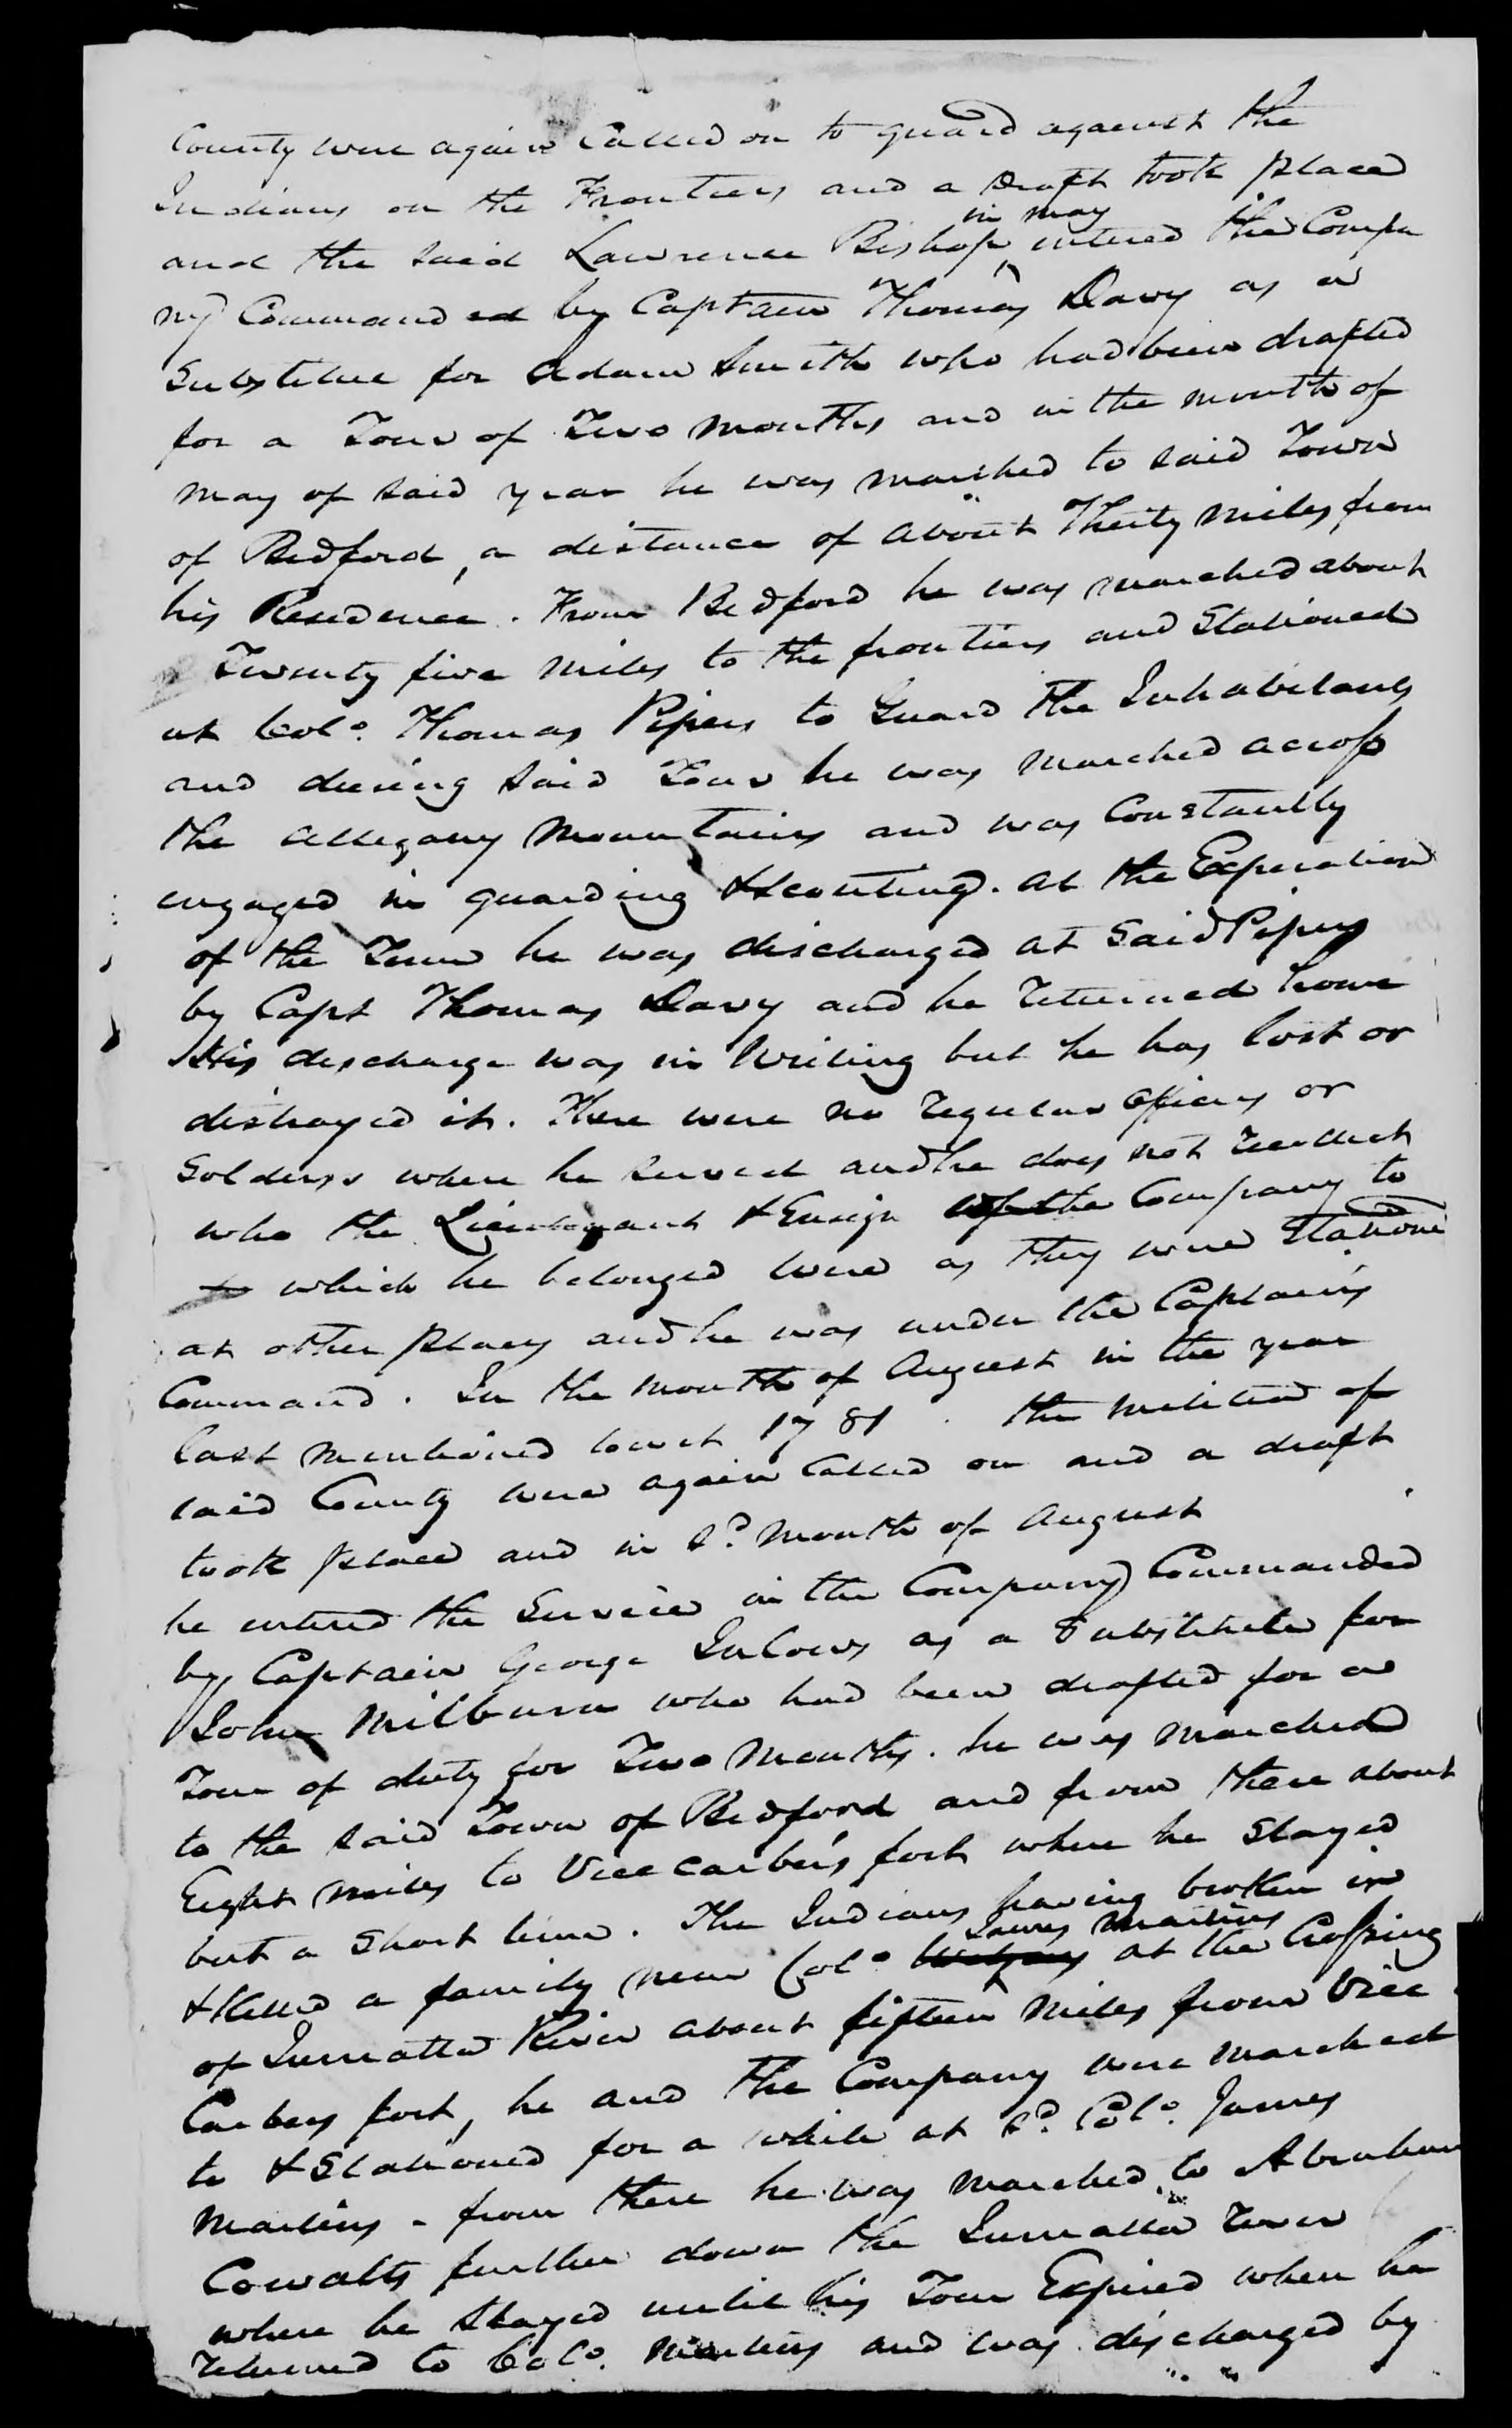County were again called on to guard against the Indians on the Frontier and a draft took place and the said Lawrence Bishop in May entered the company commanded by Captain Thomas Davy as a Substitute for Adam Smith who had been drafted for a tour of two months and in the month of May of said year he was marched to said Town of Bedford a distance of about Thirty miles from his Residence. From Bedford he was marched about Twenty five miles to the frontiers and stationed at Col Thomas Pipers to guard the Inhabitants and during said tour he was marched across the Allegany mountains and was constantly engaged in guarding & scouting at the Expiration of the Tour he was discharged at said Pipers by Capt Thomas Davy and he returned home his discharge was in writing but he has lost or distroyed it. There were no regular offices or Soldiers when he served and he does not recollect who the Lieutenant & ensign of the Company to which he belonged were as they were station at other places and he was under the Captains Command. In the month of August in the year last mentioned to wit 1781 the militia of said County were again called on and a draft took place and in said month of August he entered the service in the company commanded by Captain George Inlow as a Substitute for John Milburn who had been drafted for a tour of duty for two months.  He was marched to the said Town of Bedford and from there about Eight miles to Vice Carber's fort where he stayed but a short time. The Indians having broken in & killed a tilled a family (near Col Lawrey Martins at  the crossing of Juniatta River about fifteen miles from Vice Carbey fort, he and the company we marched to Abraham Cowalts further down the Juniatta River where he stayed until his tour expired when he returned to Colo [unreadable] and was discharged by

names: George Inlows, Adam Smith, James Mathias, Thomas Pipers, Abraham Cowalts, James, Winbery, Thomas Davy, Lawrence Bishop, Thomas Davy, John Milburn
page: 4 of 26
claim: survivor's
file: S.1,166, Lawrence Bishop, Penn.